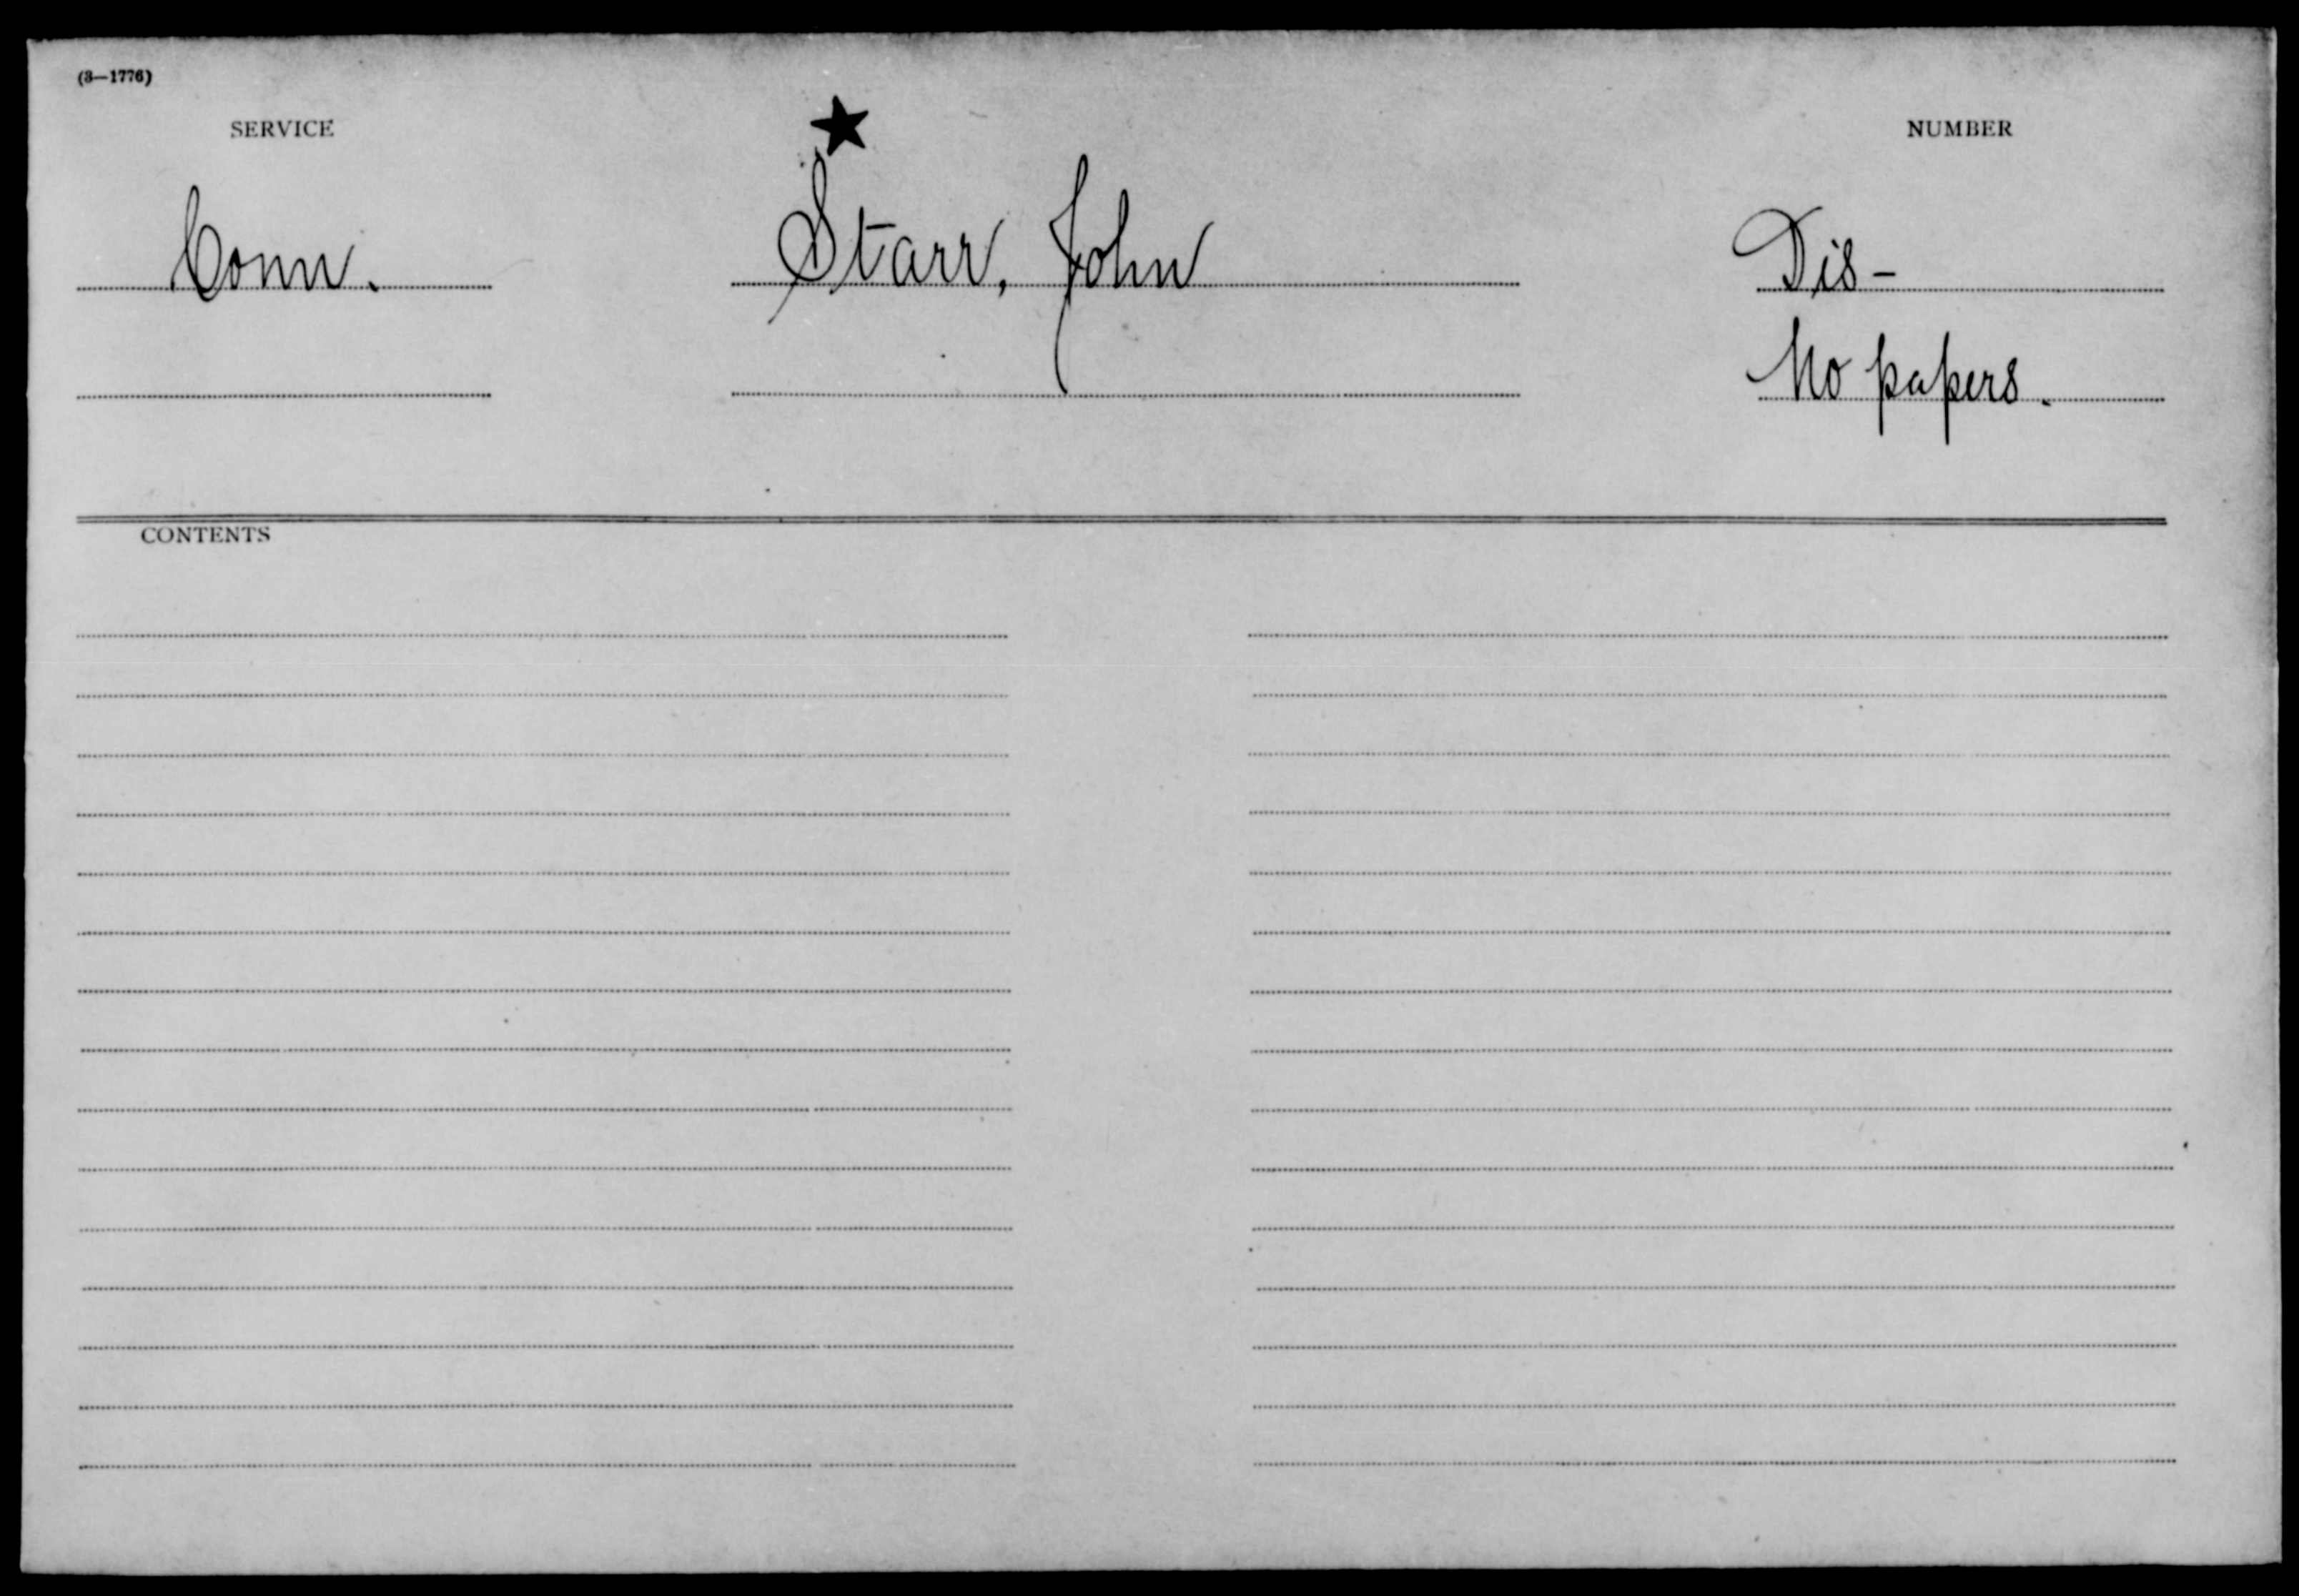(3 - 1776)
SERVICE                                                                            NUMBER
Conn.                             Starr, John                                   Dis-
                                                                                       No papers.
CONTENTS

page: 1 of 7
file: for John Starr, Connecticut